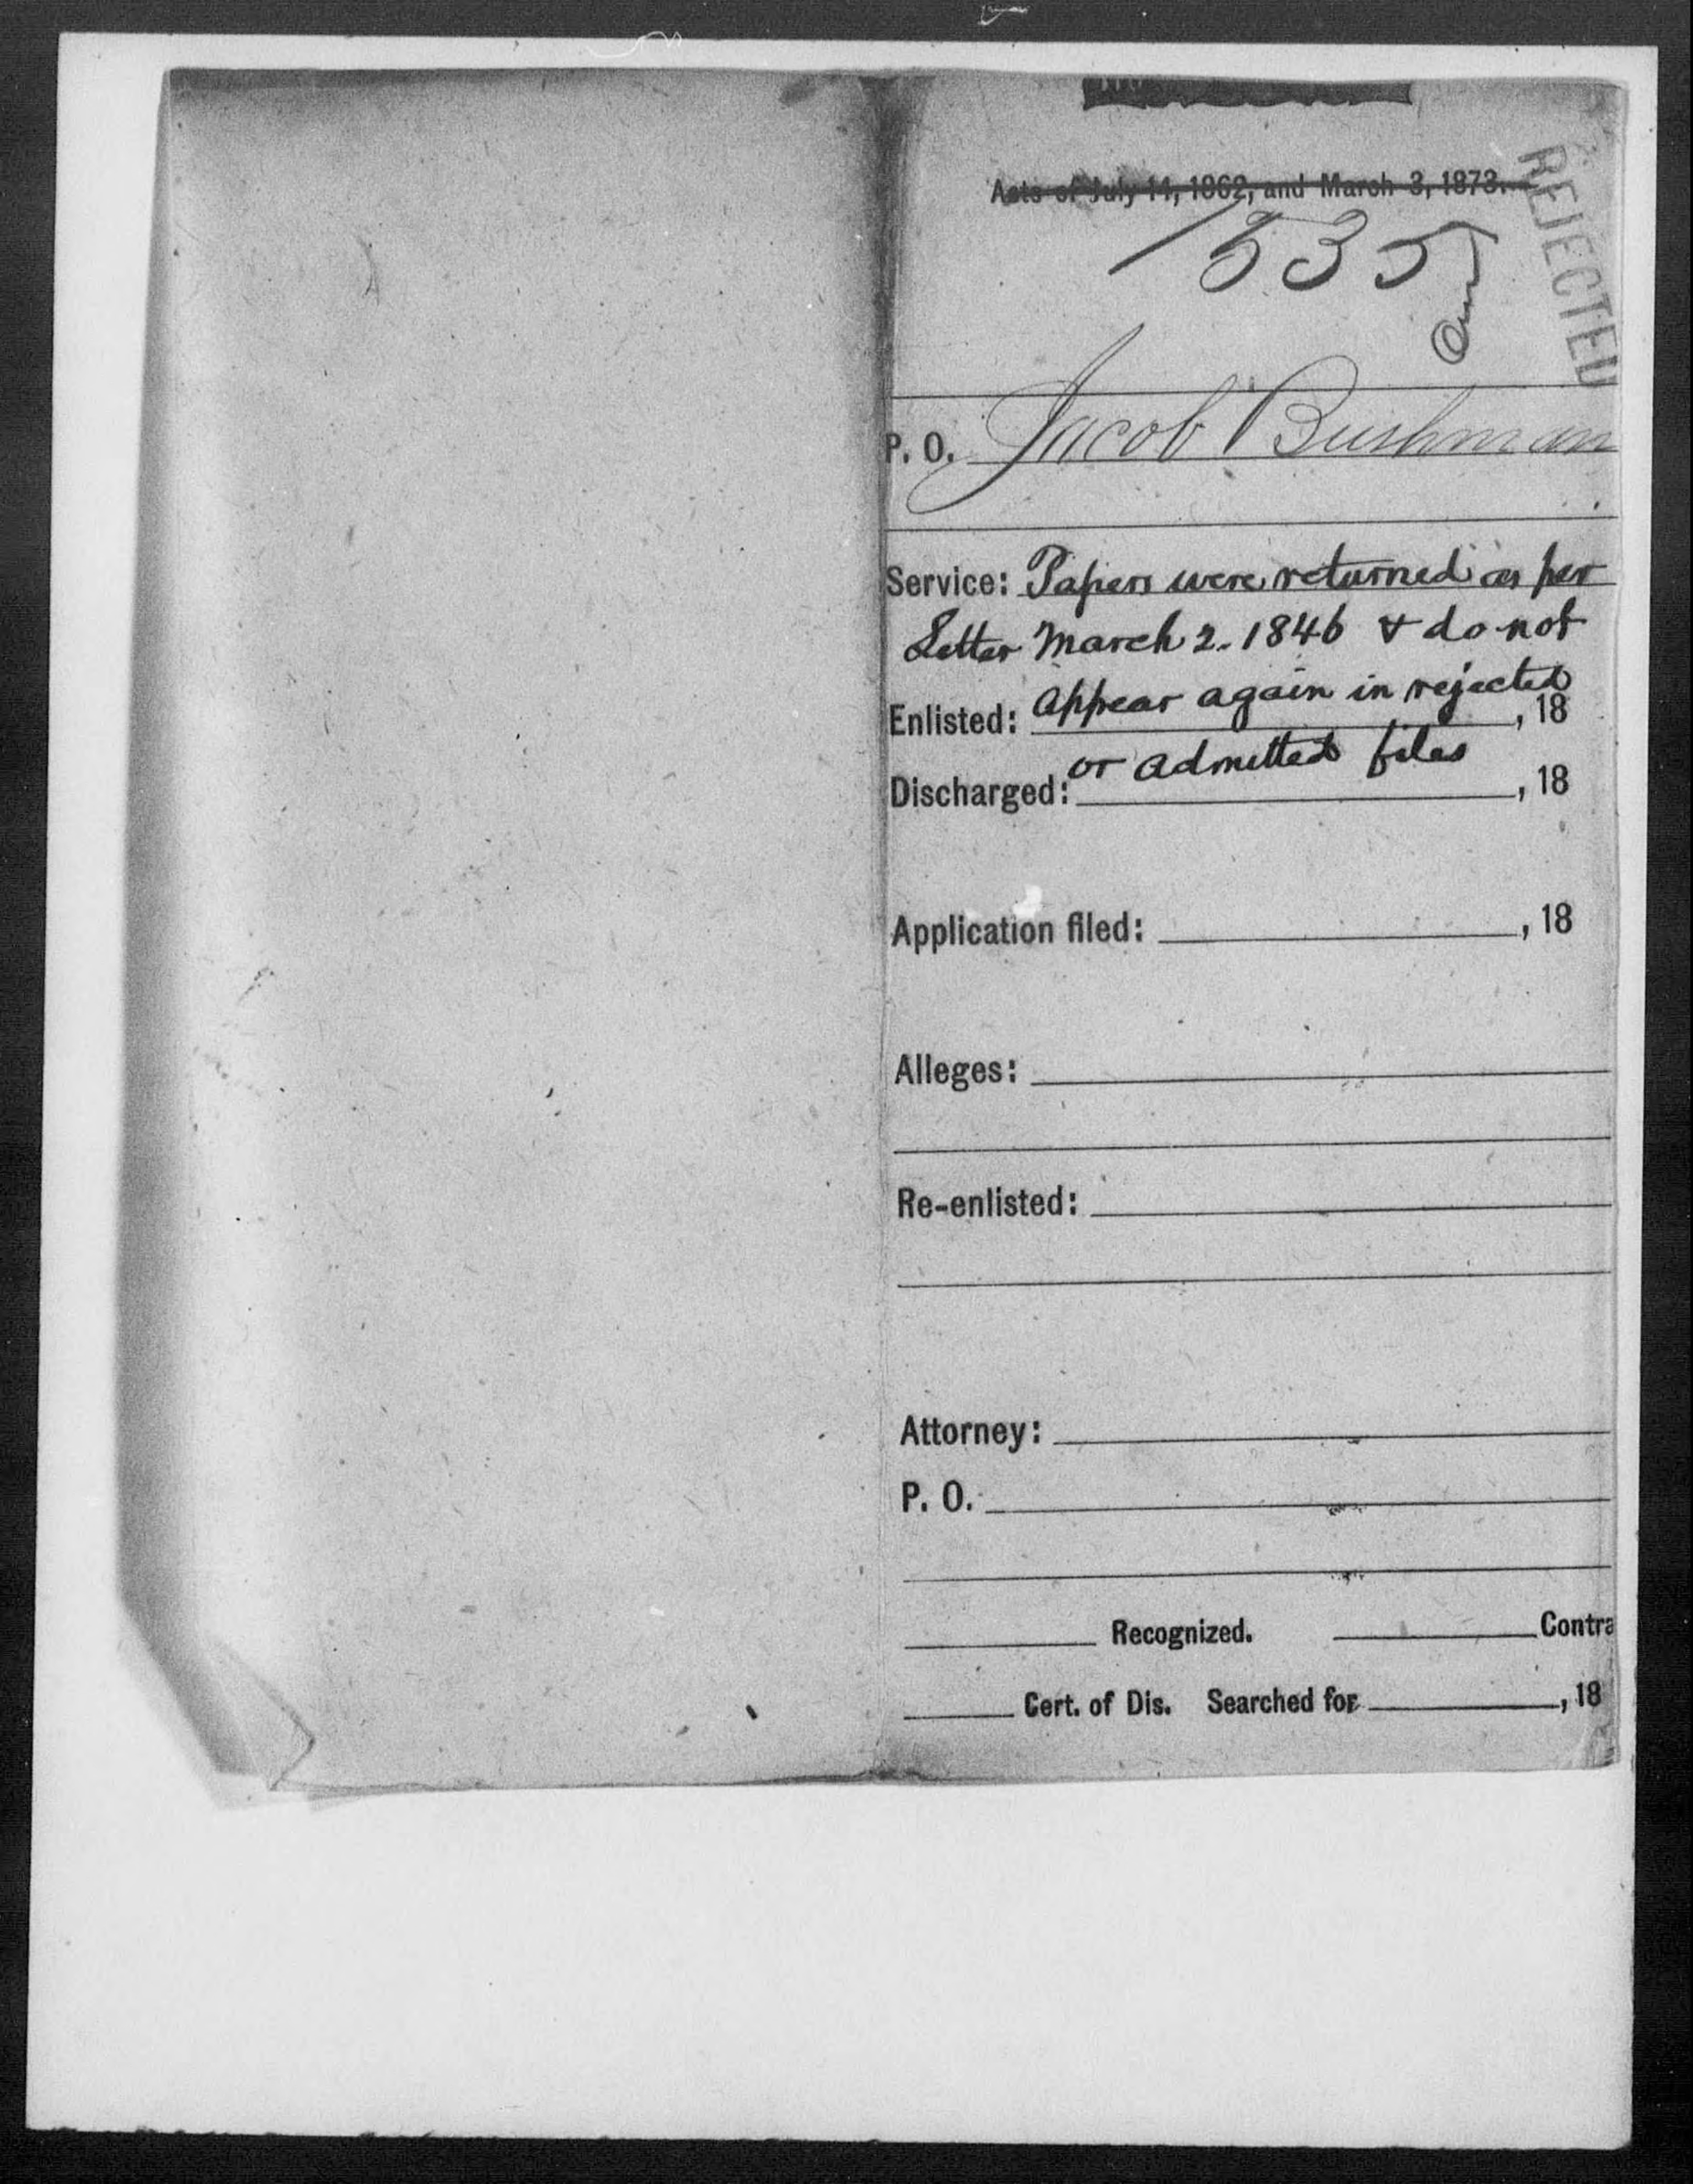Acts of July 14, 1862, and March 3, 1873. [crossed out]
1535
Rejected [stamp]
P.O. Jacob Bushman
Service: Papers were returned as her letter March 2, 1846 and do not appear again in rejected or admitted files.
Enlisted: ___________________, 18
Discharged: ____________________, 18

Application filed: _________________, 18

Alleges: _________________
Re-enlisted:__________________

Attorney: ____________________
P.O. ______________________
_____________ Recognized.  ________________ Contra [unfinished word]
___________ Cert. of Dis. 
Searched for _______________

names: Jacob Bushman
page: 2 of 8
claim: rejected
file: R. 1535, Jacob Bushman, Md